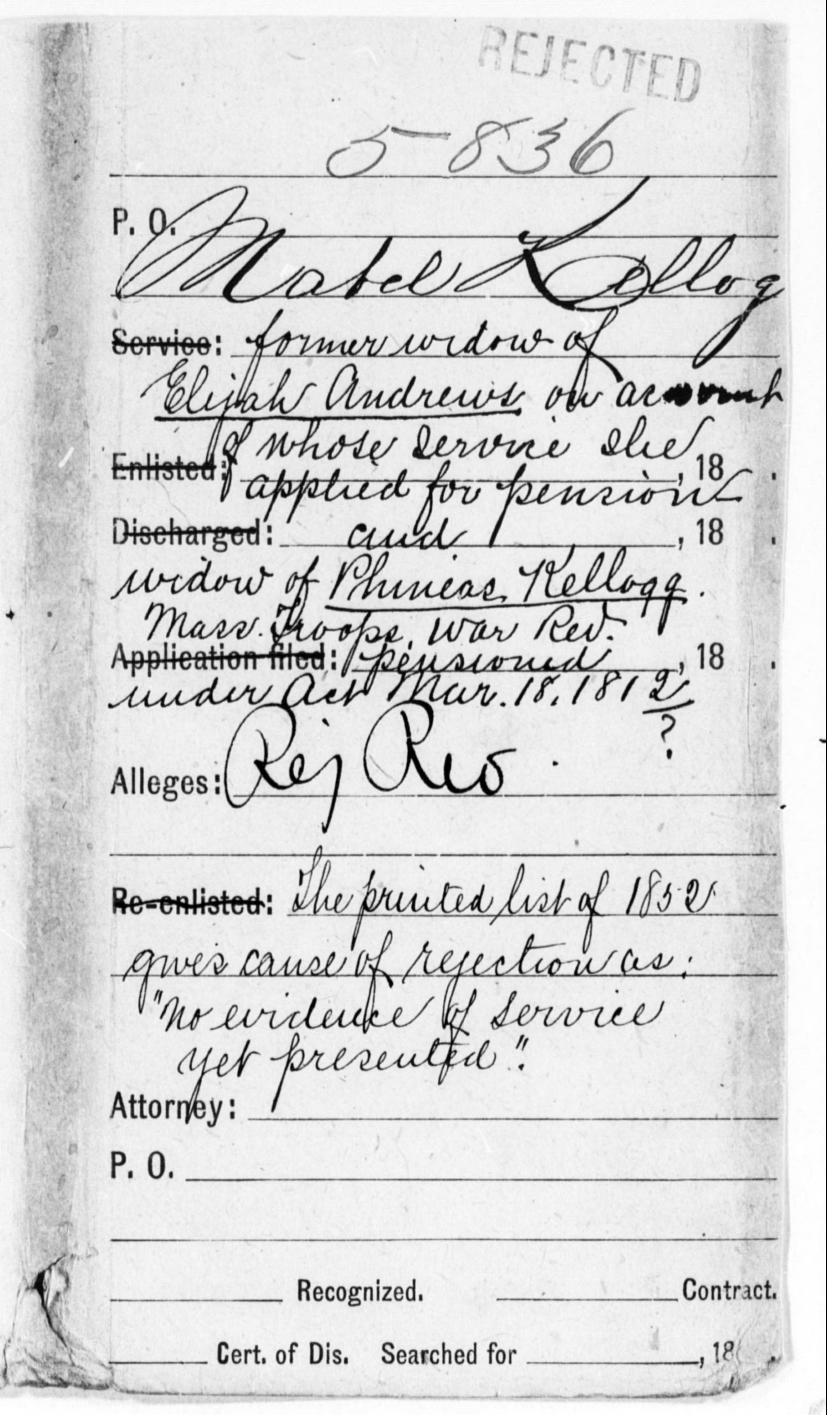REJECTED
5836
P.O.
Mabel Kellog
former widow of
Elijah Andrews on account
of whose service she
applied for pension
and
widow of Phineas Kellogg
Marv. Troops. war Rev.
pensioned
under Act Mar. 18, 1812

Alleges:  Rej Reo

The printed list of 1852
gives cause of rejection as:
"No evidence of Service
yet Presented".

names: Mabel Kellog, Elijah Andrews, Phineas Kellogg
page: 8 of 19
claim: rejected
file: R. 5836, Elijah Andrews, Conn.